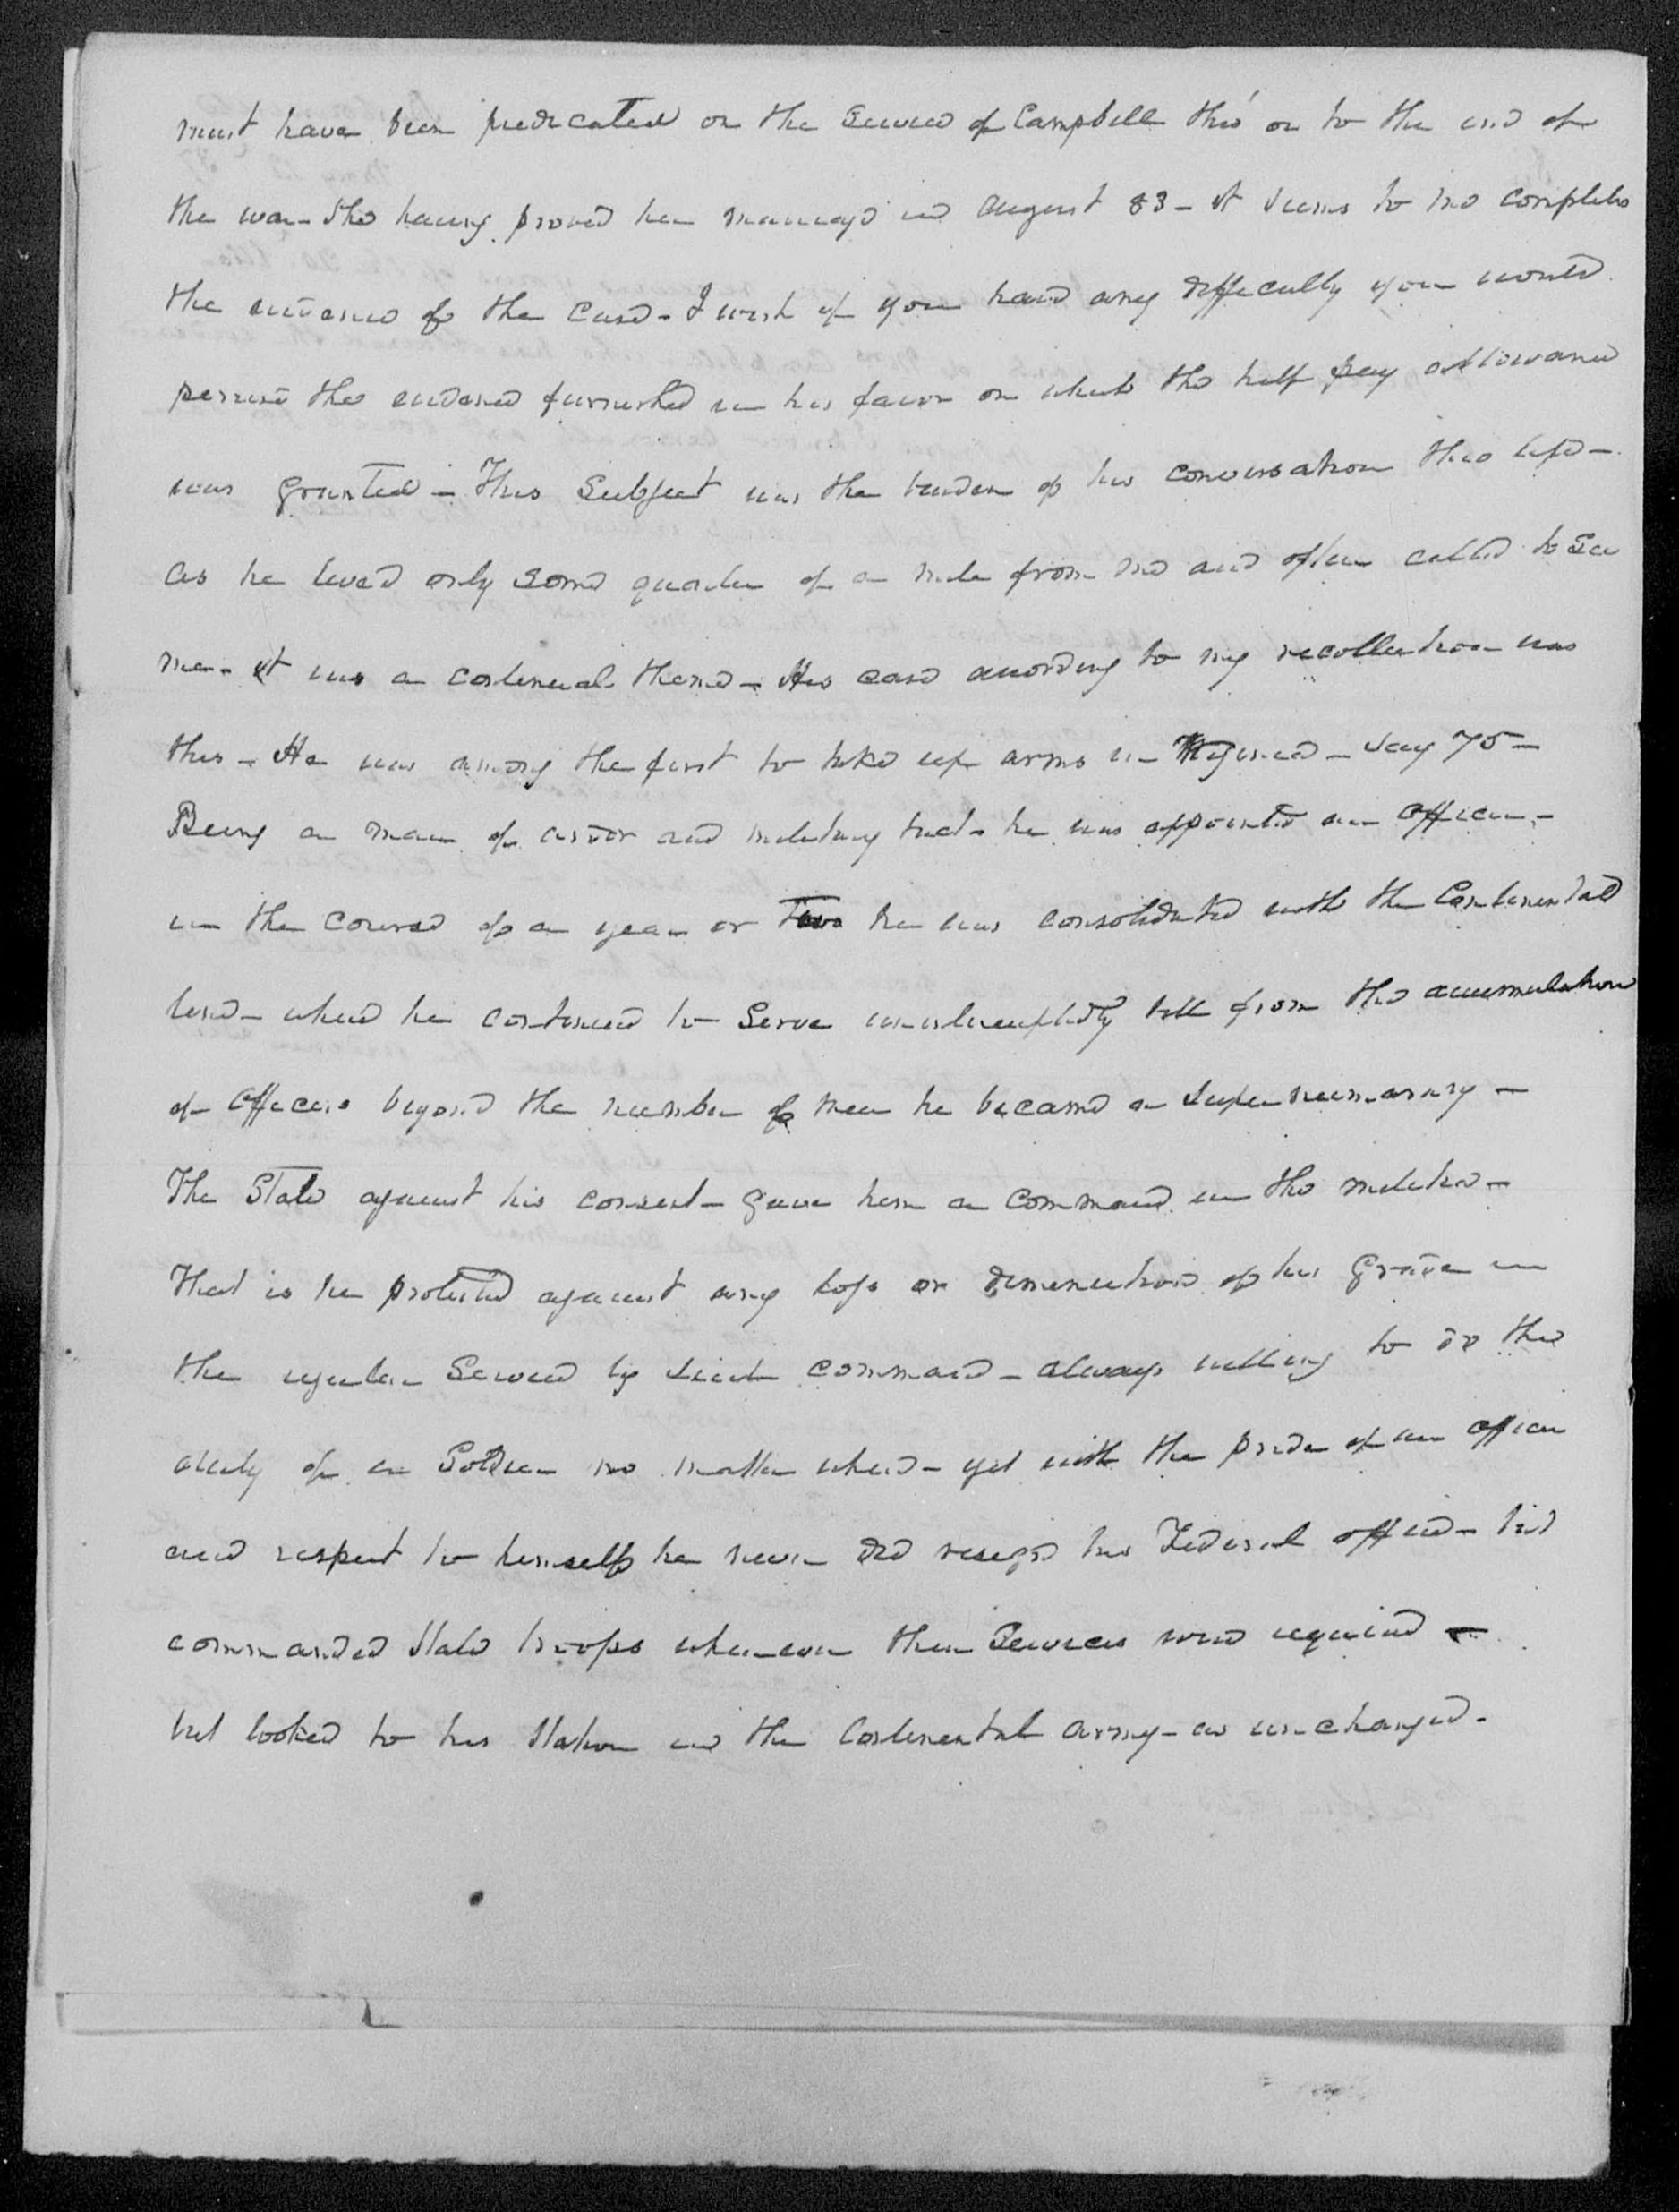must have been predicated on the service of Campbell [illegible] or to the end of the war - she having proved her marriage in August 83 - it seems to me completes the evidence of the case.  I wish if you have any difficulty you would [illegible ] the evidence furnished in her favor on which the half pay allowance was granted - This subject was the burden of her conversation thro life - as he lived only some quarter of a mile from me and often called to see me.  It was a continual theme.  His case according to my recollection was this - He was among the first to take up arms in Virginia - say 75 - Being a man of  [illegible] and military [illegible] - he was appointed an officer - in the course of a year or two he was consolidated with the Continental line where he continued to serve [illegible] well from the accumulation of officers beyond the number of men he became a supernumerary - The State against his consent gave him a command in the militia - That is he protected again any loss or [illegible] of his [illegible] in the rejection - Served his Lieut. command - always willing to do the duty of a soldier no matter when - yet with the pride of an officer and respect to himself he never did resign his Federal office - he commanded State troops whenever their services were required - but looked to his station in the Continental army as unchanged.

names: Campbell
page: 193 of 267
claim: widow's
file: W. 4,149, William Campbell, Va.